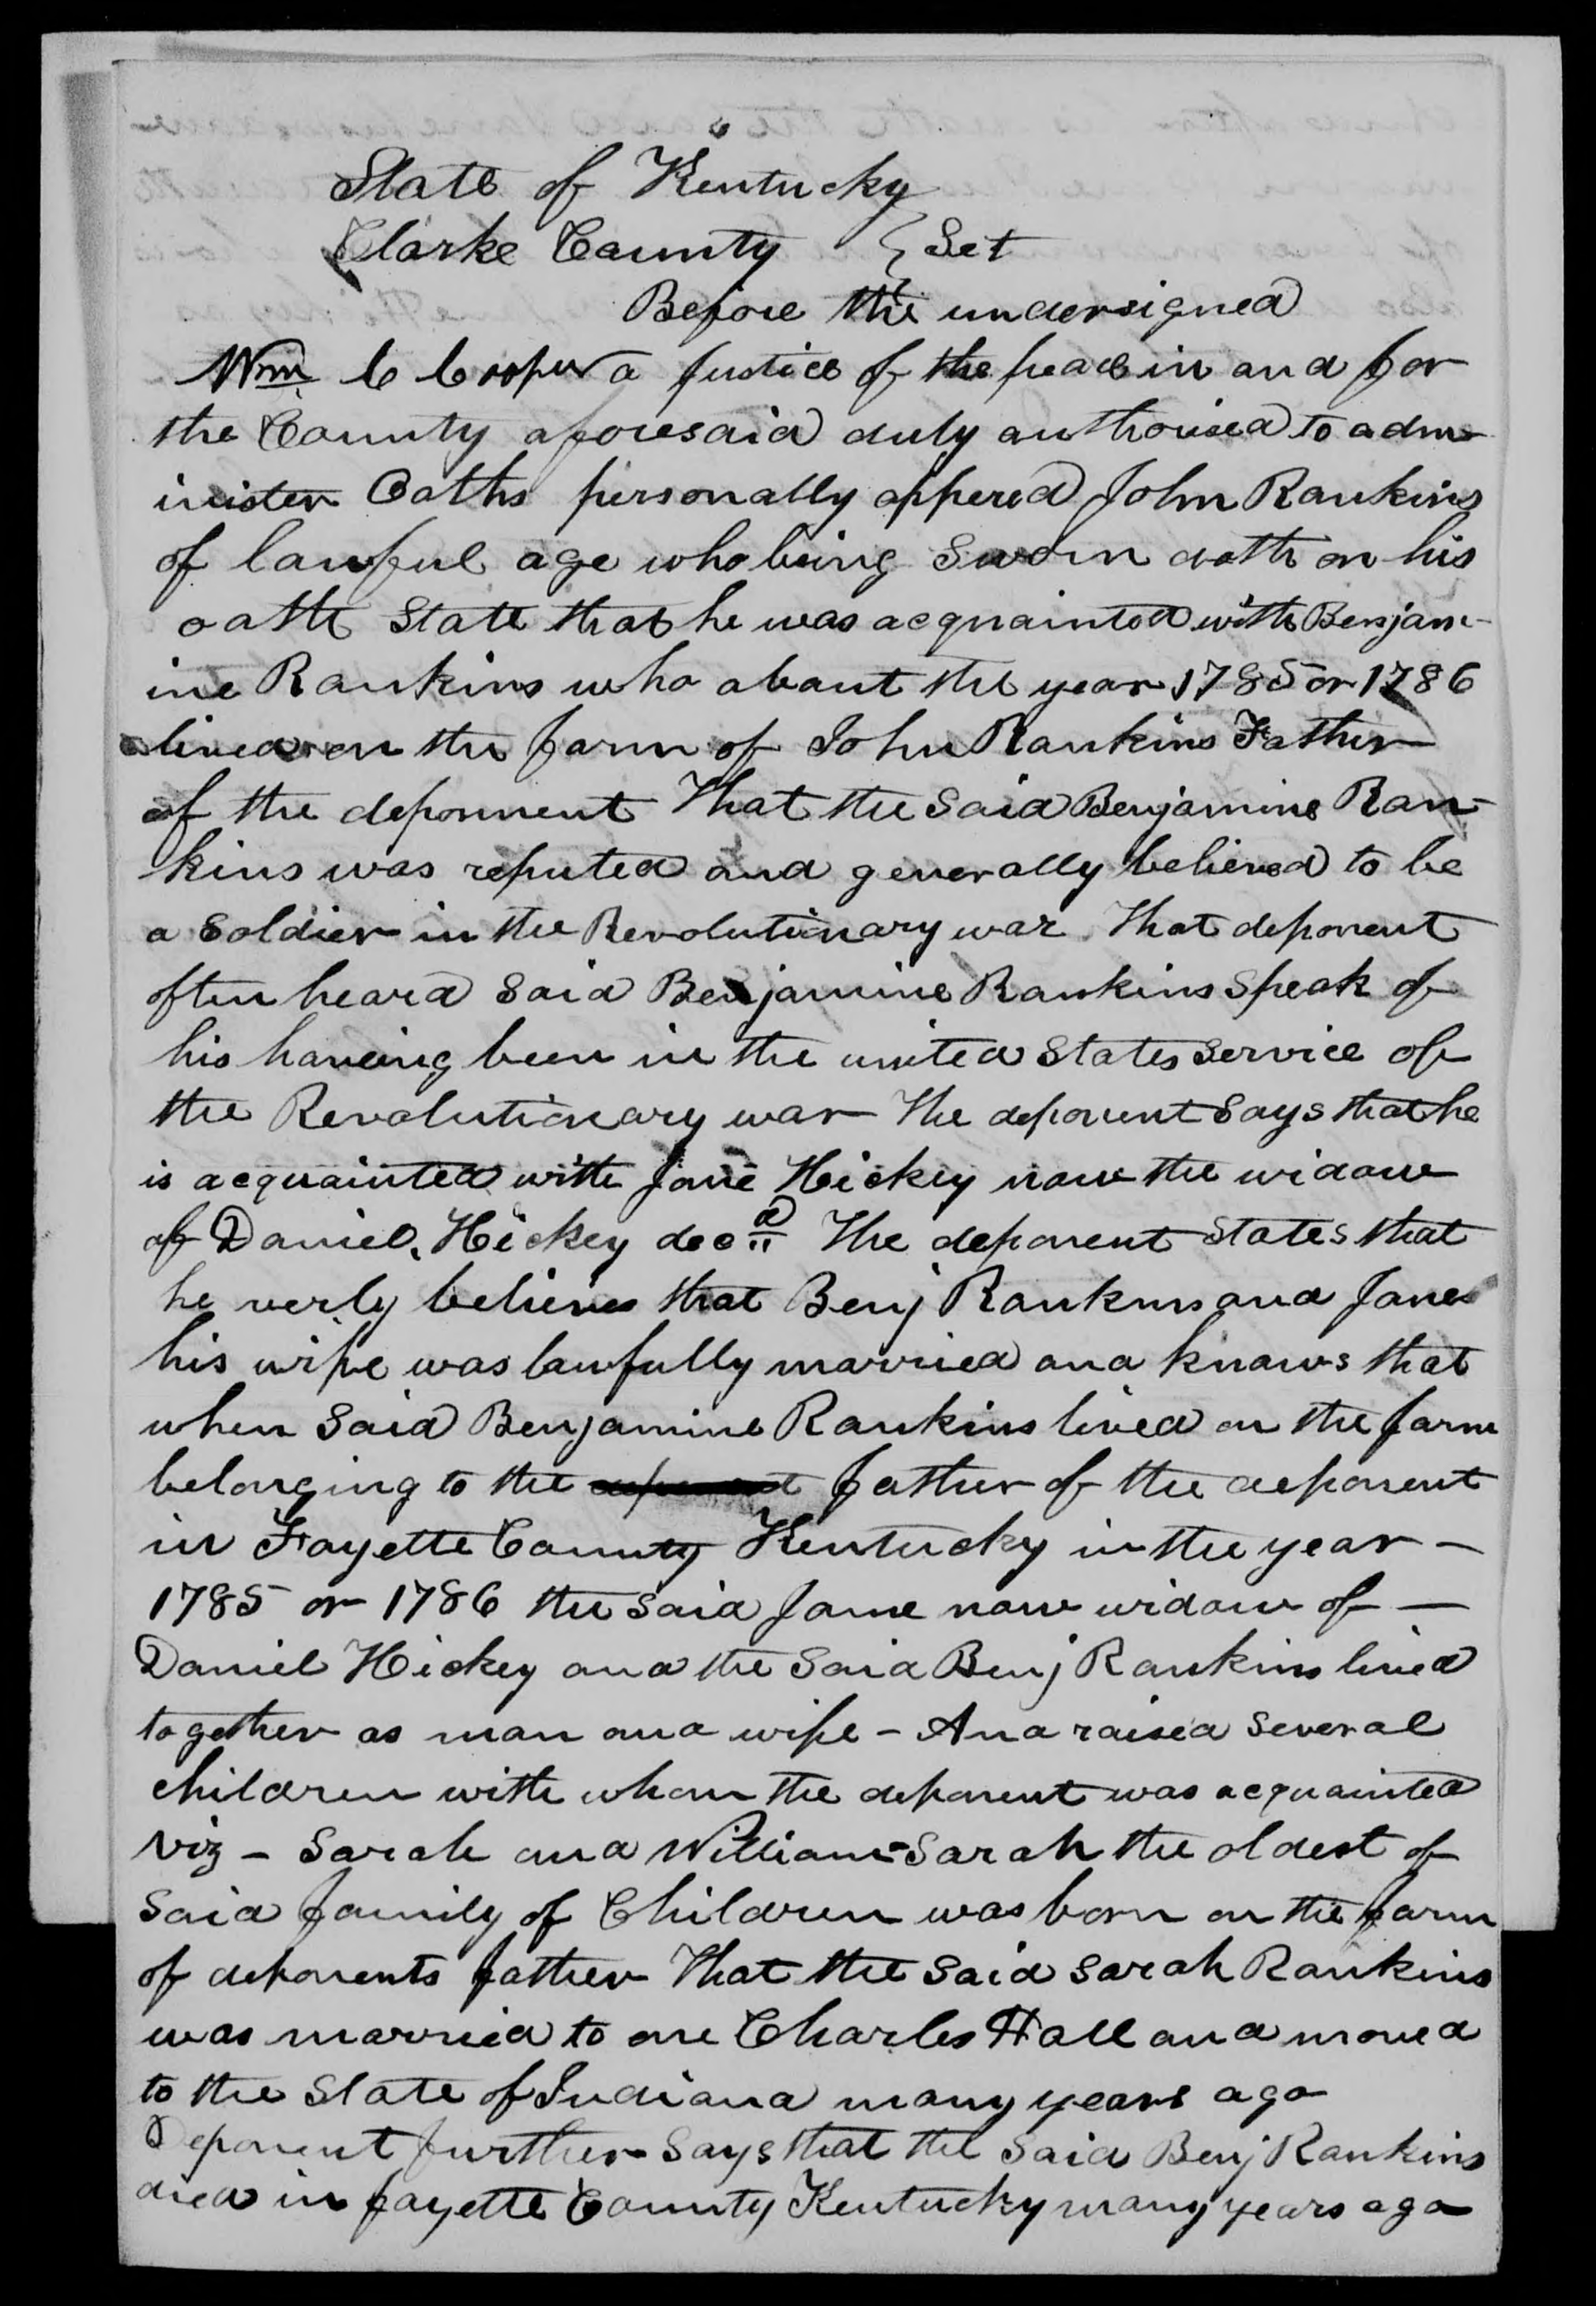State of Kentucky
Clarke County Sct
Before the undersigned Wm C. Cooper a Justice of the peace in and for the County aforesaid duly authorized to administer Oaths personally appered John Rankins of lawful age who being Sworn doth on his oath State that he was acquainted with Benjamin Rankins who about the year 1785 or 1786 lived on the farm of John Rankins Father of the deponent that the said Benjamin Rankins was reputed and generally believed to be a soldier in the Revolutionary war That deponent often heard said Benjamin Rankins Speak of his having been in the United States service of the Revolutionary war The deponent says that he
is acquainted with Jane Hickey now the widow
of Daniel Hickey decd the deponent states that
he verily believes that Benj Rankins and Jane
his wife was lawfully married and knows that
when said Benjamin Rankins lived on the farm
belonging to the father of the deponent
in Fayette County Kentucky in the year-
1785 or 1786 the said Jane now widow of-
Daniel Hickey and the said Benj Rankins lived
together as man and wife. And raised several
children with whom the deponent was acquainted
viz. Sarah and William, Sarah the oldest of
said family of children was born on the farm
of deponents father that the said Sarah Rankins was married to one Charles Hall and moved to the State of Indiana many years ago
Deponent further says that the said Benj Rankins died in Fayette County Kentucky many years ago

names: Benj Rankins, Benj Rankins, Jane Hickey, John Rankins, Sarah Rankins, Benj Rankins, William, Daniel Hickey, John Rankins, Jane, Benjamine Rankins, Benjamine Rankins, Sarah, Daniel Hickey, Benjamine Rankins, Benjamine Rankins, Jane, Charles Hall, Sarah, Wm C Cooper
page: 42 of 84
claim: widow's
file: W. 7744, Daniel Hickey, Penn.